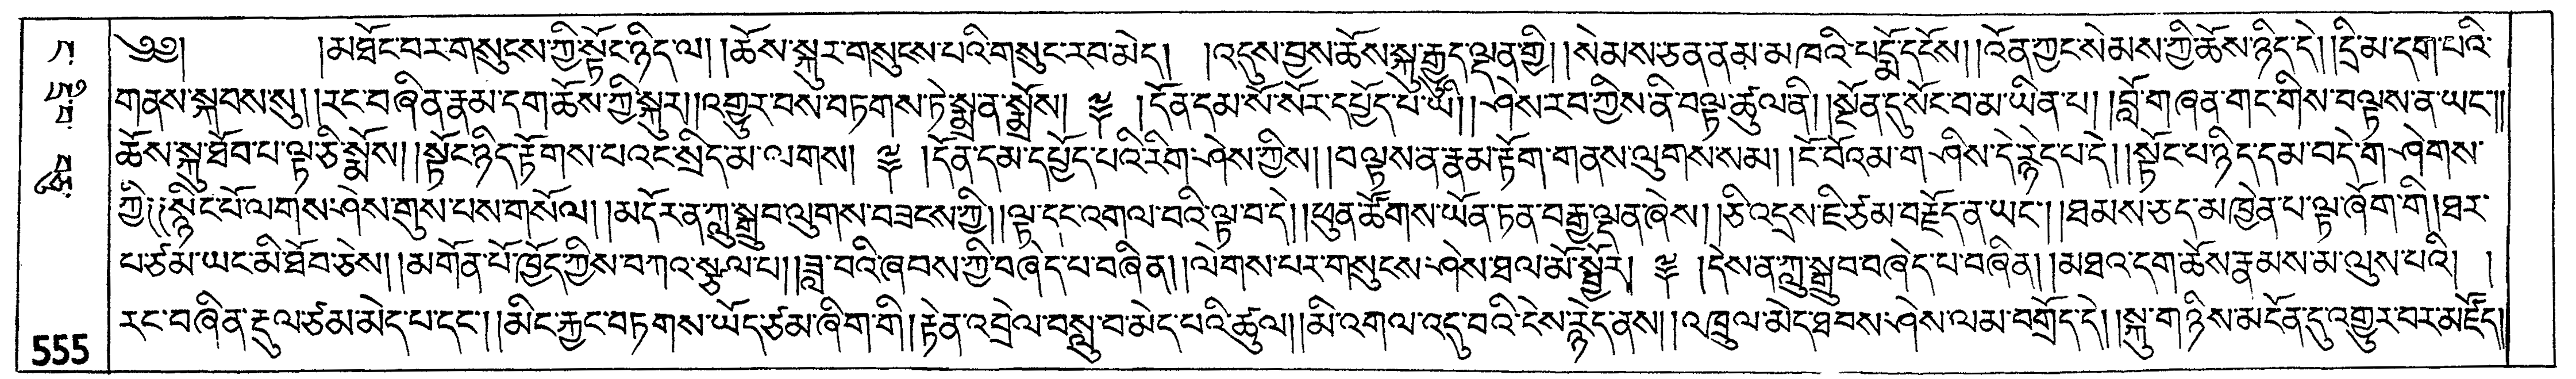༄༅། །མཐོང་བར་གསུངས་ཀྱི་སྟོང་ཉིད་ལ། །ཆོས་སྐུར་གསུངས་པའི་གསུང་རབ་མེད། །འདུས་བྱས་ཆོས་སྐུ་རྒྱུད་ལྡན་གྱི། །སེམས་ཅན་ནམ་མཁའི་པདམོ་དངོས། །འོན་ཀྱང་སེམས་ཀྱི་ཆོས་ཉིད་དེ། །དྲི་མ་དག་པའི་
གནས་སྐབས་སུ། །རང་བཞིན་རྣམ་དག་ཆོས་ཀྱི་སྐུར། །འགྱུར་བས་གཏགས་ཏེ་སྨན་སྨྲོས། ༈ །དོན་དམ་སོ་སོར་དཔྱོད་པ་ཡི། །ཤེས་རབ་ཀྱིས་ནི་བལྟ་ཚུལ་ནི། །སྔོན་དུ་སོང་བ་མ་ཡིན་པ། །བློ་གཞན་གང་གིས་བལྟས་ན་ཡང་། །
ཆོས་སྐུ་ཐོབ་པ་ལྟ་ཅི་སྨོས། །སྟོང་ཉིད་རྟོགས་པའང་སྲིད་མ་ལགས། ༈ །དོན་དམ་དཔྱོད་པའི་རིག་ཤེས་ཀྱིས། །བལྟས་ན་རྣམ་རྟོག་གནས་ལུགས་སམ། །ངོ་བོའམ་གཤིས་དེ་རྙེད་པ་དེ། །སྟོང་པ་ཉིད་དམ་བདེ་གཤེགས་
ཀྱི༑ ༑སྙིང་པོ་ལགས་ཤེས་གུས་པས་གསོལ། །མདོར་ན་ཀླུ་སྒྲུབ་ལུགས་བཟངས་ཀྱི། །ལྟ་དང་འགལ་བའི་ལྟ་བ་དེ། །ཕུན་ཚོགས་ཡོན་ཏན་བརྒྱ་ལྡན་ཞེས། །ཅི་འདྲས་ཇི་ཙམ་བརྗོད་ན་ཡང་། །ཐམས་ཅད་མཁྱེན་པ་ལྟ་ཞོག་གི །ཐར་
པ་ཙམ་ཡང་མི་ཐོབ་ཅེས། །མགོན་པོ་ཁྱོད་ཀྱིས་བཀའ་སྩལ་པ། །ཟླ་བའི་ཞབས་ཀྱི་བཞེད་པ་བཞིན། །ལེགས་པར་གསུངས་ཤེས་ཐལ་མོ་སྦྱོར། ༈ །དེས་ན་ཀླུ་སྒྲུབ་བཞེད་པ་བཞིན། །མཐའ་དག་ཆོས་རྣམས་མ་ལུས་པའི། །
རང་བཞིན་རྡུལ་ཙམ་མེད་པ་དང་། །མིང་རྐྱང་བཏགས་ཡོད་ཙམ་ཞིག་གི །རྟེན་འབྲེལ་བསླུ་བ་མེད་པའི་ཚུལ། །མི་འགལ་འདུ་བའི་ངེས་རྙེད་ནས། །འཁྲུལ་མེད་ཐབས་ཤེས་ལམ་བགྲོད་དེ། །སྐུ་གཉིས་མངོན་དུ་འགྱུར་བར་མཛོད།